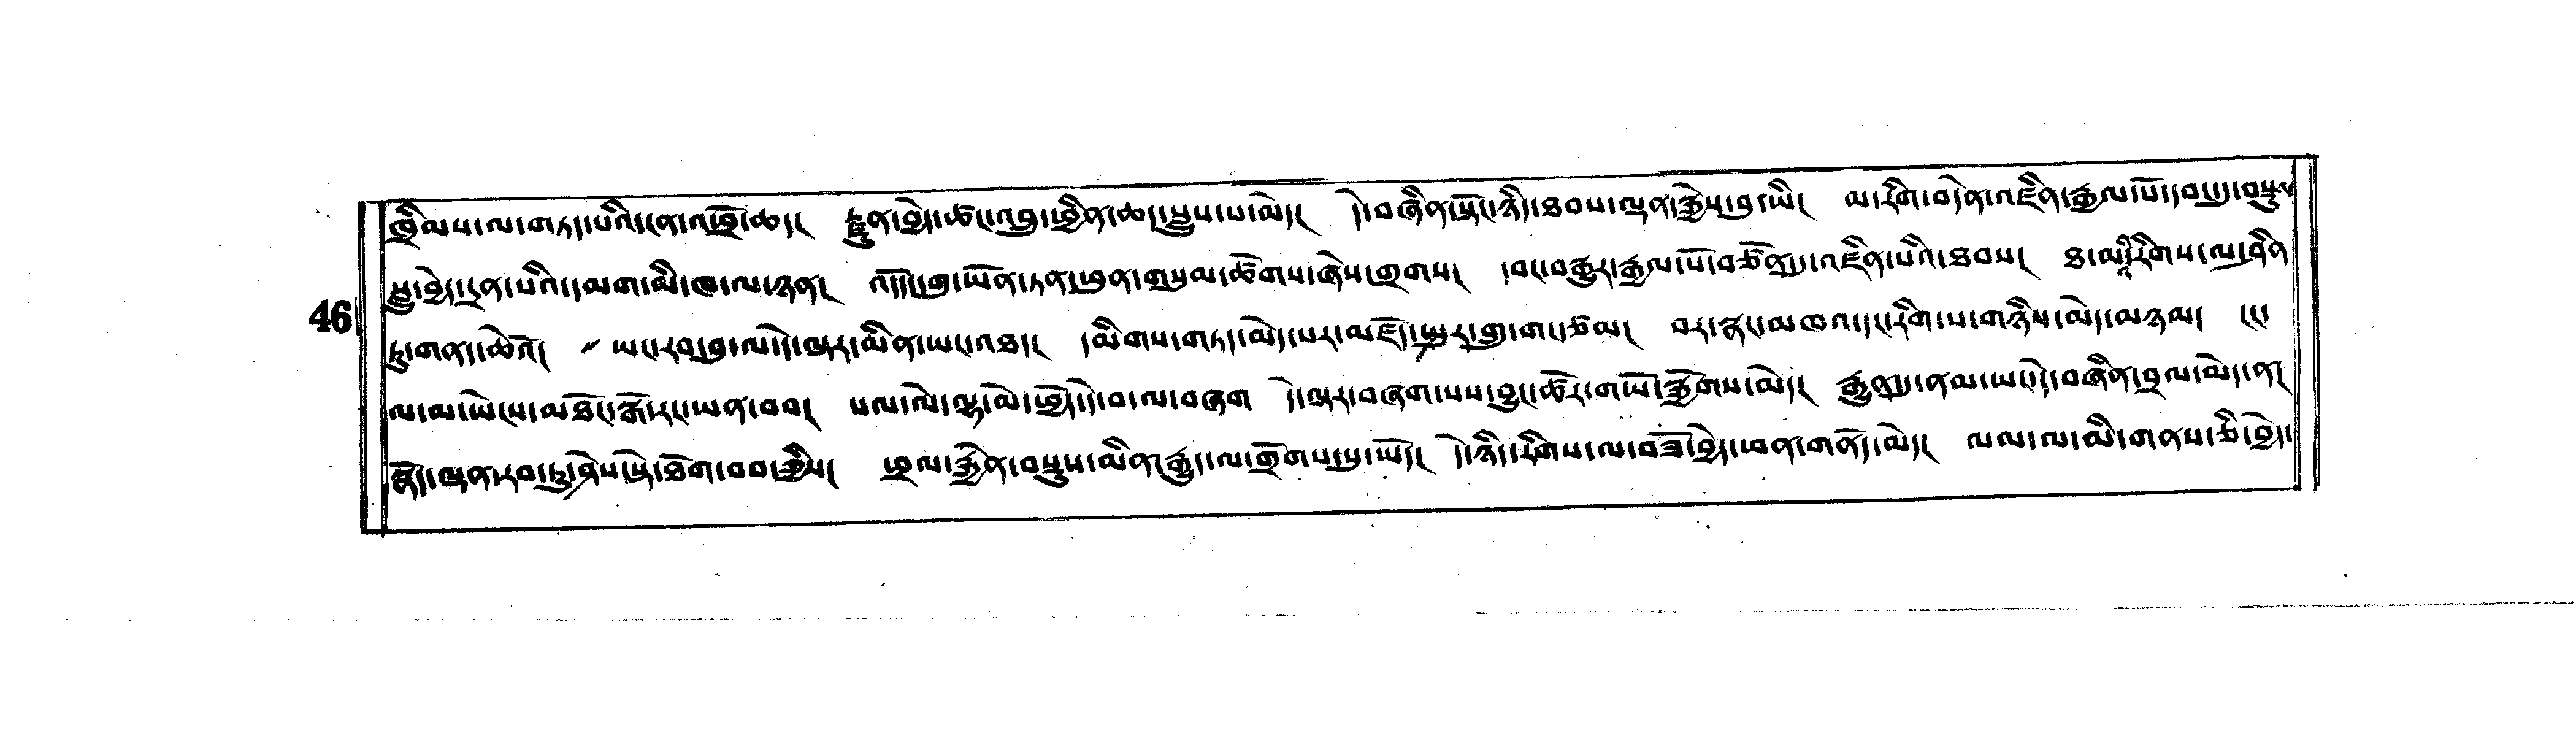ཁྲིམས་ལ་གཏད་པའི་ངན་འཕྲོ་ཆད། རྫུན་བྱེད་འཚང་འབྲུ་ཕྱིན་ཆད་བསླུས་པ་མེད། དེ་བཞིན་སྟོང་ཉིད་ཐབས་ལྡན་སྐྱེས་བུ་ཡི། མ་རིག་བདེན་འཛིན་རྒྱལ་པོ་དབང་དུ་བསྡུས། 
བསླུ་བྱེད་དྲན་པའི་དམག་མི་ཁ་ལ་ཉན། འདོད་དགུ་ཡོན་ཏན་ཕུན་སུམ་ཚོགས་ཞེས་གྲགས། དབང་སྒྱུར་རྒྱལ་པོ་བཙོན་དུ་འཛིན་པའི་ཐབས། ཐ་མའི་རིགས་ལ་ཤིན་
ཏུ་གནད་ཆེའོ། ༧ ཡང་རབ་བུ་ལ་དེ་ལྟར་མིན་ཡང་འཐད། དམིགས་གཏད་མེད་པར་མཛོད་སྤུར་གྲུ་གང་ཙམ། བར་སྣང་མཁའ་དང་རིག་པ་གཉིས་མེད་མཉམ། ངང་
ལ་མ་ཡེངས་མཐོང་སྒོ་རང་ཡན་བབས། སལ་ལེ་ལྷམ་མེ་ཕྱོད་དེ་བ་ལ་བཞག དེ་ལྟར་བཞག་པས་བྱུང་ཚོར་གཡོ་སྐྱོགས་མེད། རྒྱུན་དུ་ནམ་ཡང་དེ་བཞིན་བྲལ་མེད་ན། 
སྣོད་ལྡན་རབ་ཏུ་ཤེས་ཏེ་ཐོག་བབ་ཀྱིས། འཕྲལ་རྐྱེན་བསྡུས་མིན་རྒྱུད་ལ་གྲོགས་སུ་ཡོད། དེ་ཉིད་རིགས་ལ་བཟོ་བྱེད་ཕན་གནོད་མེད། ལམ་ལ་མི་གནས་ཅི་བྱེད་